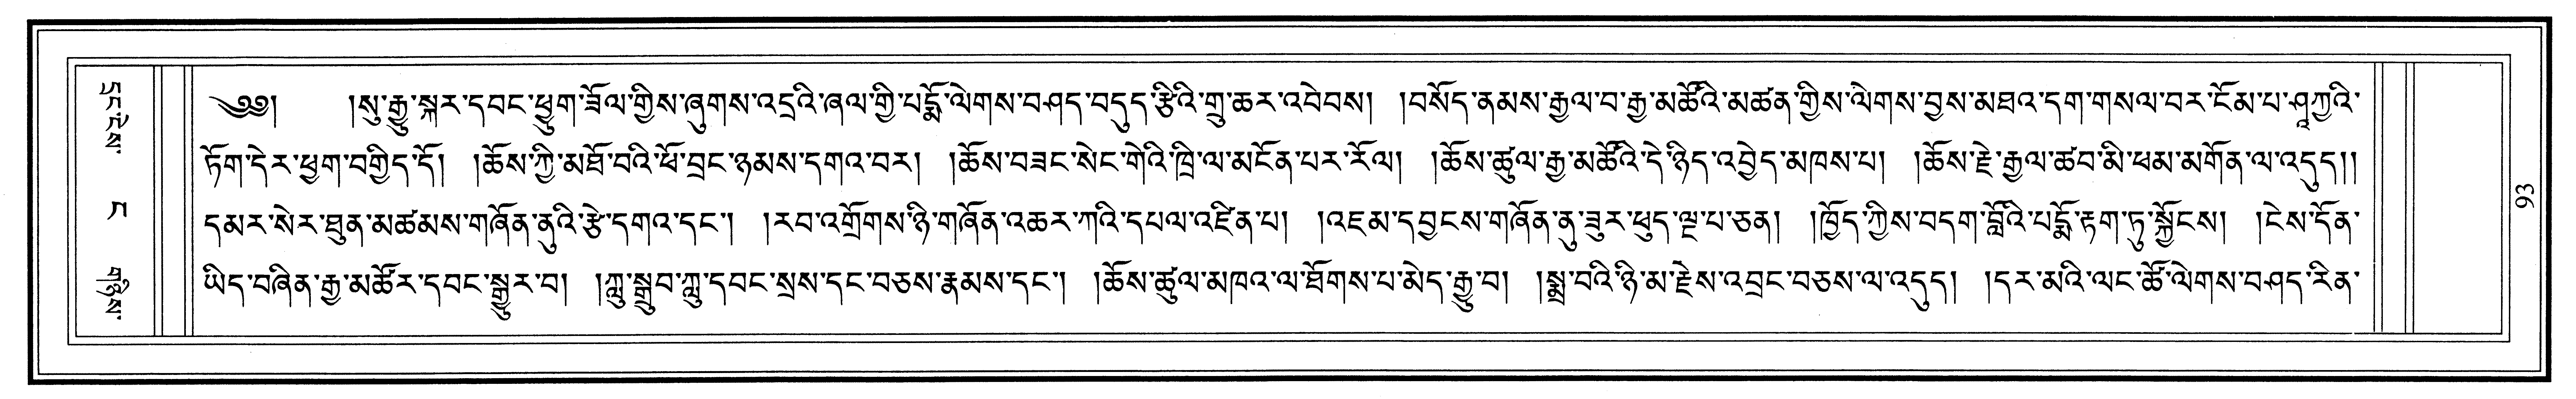༄༅། །སུ་རྒྱུ་སྐར་དབང་ཕྱུག་ཟོལ་གྱིས་ཞུགས་འདྲའི་ཞལ་གྱི་པདམོ་ལེགས་བཤད་བདུད་རྩིའི་གྲུ་ཆར་འབེབས། །བསོད་ནམས་རྒྱལ་བ་རྒྱ་མཚོའི་མཚན་གྱིས་ལེགས་བྱས་མཐའ་དག་གསལ་བར་ངོམ་པ་ཤཱཀྱའི་
ཏོག་དེར་ཕྱག་བགྱིད་དོ། །ཆོས་ཀྱི་མཐོ་བའི་ཕོ་བྲང་ཉམས་དགའ་བར། །ཆོས་བཟང་སེང་གེའི་ཁྲི་ལ་མངོན་པར་རོལ། །ཆོས་ཚུལ་རྒྱ་མཚོའི་དེ་ཉིད་འབྱེད་མཁས་པ། །ཆོས་རྗེ་རྒྱལ་ཚབ་མི་ཕམ་མགོན་ལ་འདུད།།
དམར་སེར་ཐུན་མཚམས་གཞོན་ནུའི་རྩེ་དགའ་དང་། །རབ་འགྲོགས་ཉི་གཞོན་འཆར་ཀའི་དཔལ་འཛིན་པ། །འཇམ་དབྱངས་གཞོན་ནུ་ཟུར་ཕུད་ལྔ་པ་ཅན། །ཁྱོད་ཀྱིས་བདག་བློའི་པདམོ་རྟག་ཏུ་སྐྱོངས། །ངེས་དོན་
ཡིད་བཞིན་རྒྱ་མཚོར་དབང་སྒྱུར་བ། །ཀླུ་སྒྲུབ་ཀླུ་དབང་སྲས་དང་བཅས་རྣམས་དང་། །ཆོས་ཚུལ་མཁའ་ལ་ཐོགས་པ་མེད་རྒྱུ་བ། །སྨྲ་བའི་ཉི་མ་རྗེས་འབྲང་བཅས་ལ་འདུད། །དར་མའི་ལང་ཚོ་ལེགས་བཤད་རིན་